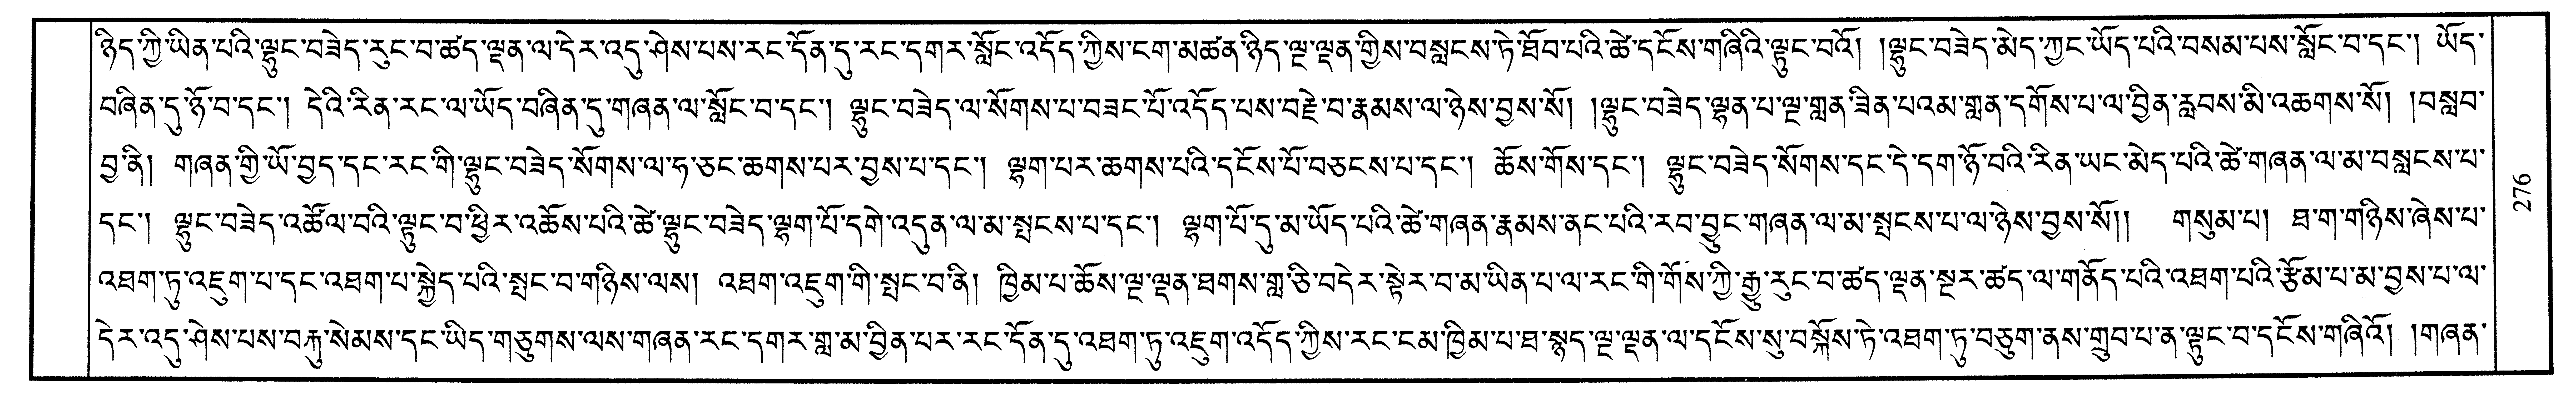ཉིད་ཀྱི་ཡིན་པའི་ལྷུང་བཟེད་རུང་བ་ཚད་ལྡན་ལ་དེར་འདུ་ཤེས་པས་རང་དོན་དུ་རང་དགར་སློང་འདོད་ཀྱིས་ངག་མཚན་ཉིད་ལྔ་ལྡན་གྱིས་བསླངས་ཏེ་ཐོབ་པའི་ཚེ་དངོས་གཞིའི་ལྟུང་བའོ། །ལྷུང་བཟེད་མེད་ཀྱང་ཡོད་པའི་བསམ་པས་སློང་བ་དང་། ཡོད་
བཞིན་དུ་ཉོ་བ་དང་། དེའི་རིན་རང་ལ་ཡོད་བཞིན་དུ་གཞན་ལ་སློང་བ་དང་། ལྷུང་བཟེད་ལ་སོགས་པ་བཟང་པོ་འདོད་པས་བརྗེ་བ་རྣམས་ལ་ཉེས་བྱས་སོ། །ལྷུང་བཟེད་ལྷན་པ་ལྔ་གླན་ཟིན་པའམ་གླན་དགོས་པ་ལ་བྱིན་རླབས་མི་འཆགས་སོ། །བསླབ་
བྱ་ནི། གཞན་གྱི་ཡོ་བྱད་དང་རང་གི་ལྷུང་བཟེད་སོགས་ལ་ཧ་ཅང་ཆགས་པར་བྱས་པ་དང་། ལྷག་པར་ཆགས་པའི་དངོས་པོ་བཅངས་པ་དང་། ཆོས་གོས་དང་། ལྷུང་བཟེད་སོགས་དང་དེ་དག་ཉོ་བའི་རིན་ཡང་མེད་པའི་ཚེ་གཞན་ལ་མ་བསླངས་པ་
དང་། ལྷུང་བཟེད་འཚོལ་བའི་ལྟུང་བ་ཕྱིར་འཆོས་པའི་ཚེ་ལྷུང་བཟེད་ལྷག་པོ་དགེ་འདུན་ལ་མ་སྤངས་པ་དང་། ལྷག་པོ་དུ་མ་ཡོད་པའི་ཚེ་གཞན་རྣམས་ནང་པའི་རབ་བྱུང་གཞན་ལ་མ་སྤངས་པ་ལ་ཉེས་བྱས་སོ།། གསུམ་པ། ཐ་ག་གཉིས་ཞེས་པ་
འཐག་ཏུ་འཇུག་པ་དང་འཐག་པ་སྐྱེད་པའི་སྤང་བ་གཉིས་ལས། འཐག་འཇུག་གི་སྤང་བ་ནི། ཁྱིམ་པ་ཆོས་ལྔ་ལྡན་ཐགས་གླ་ཅིག་བདེར་སྟེར་བ་མ་ཡིན་པ་ལ་རང་གི་གོས་ཀྱི་རྒྱུ་རུང་བ་ཚད་ལྡན་སྔར་ཚད་ལ་གནོད་པའི་འཐག་པའི་རྩོམ་པ་མ་བྱས་པ་ལ་
དེར་འདུ་ཤེས་པས་བརྐུ་སེམས་དང་ཡིད་གཅུགས་ལས་གཞན་རང་དགར་གླ་མ་བྱིན་པར་རང་དོན་དུ་འཐག་ཏུ་འཇུག་འདོད་ཀྱིས་རང་ངམ་ཁྱིམ་པ་ཐ་སྙད་ལྔ་ལྡན་ལ་དངོས་སུ་བསྐོས་ཏེ་འཐག་ཏུ་བཅུག་ནས་གྲུབ་པ་ན་ལྟུང་བ་དངོས་གཞིའོ། །གཞན་